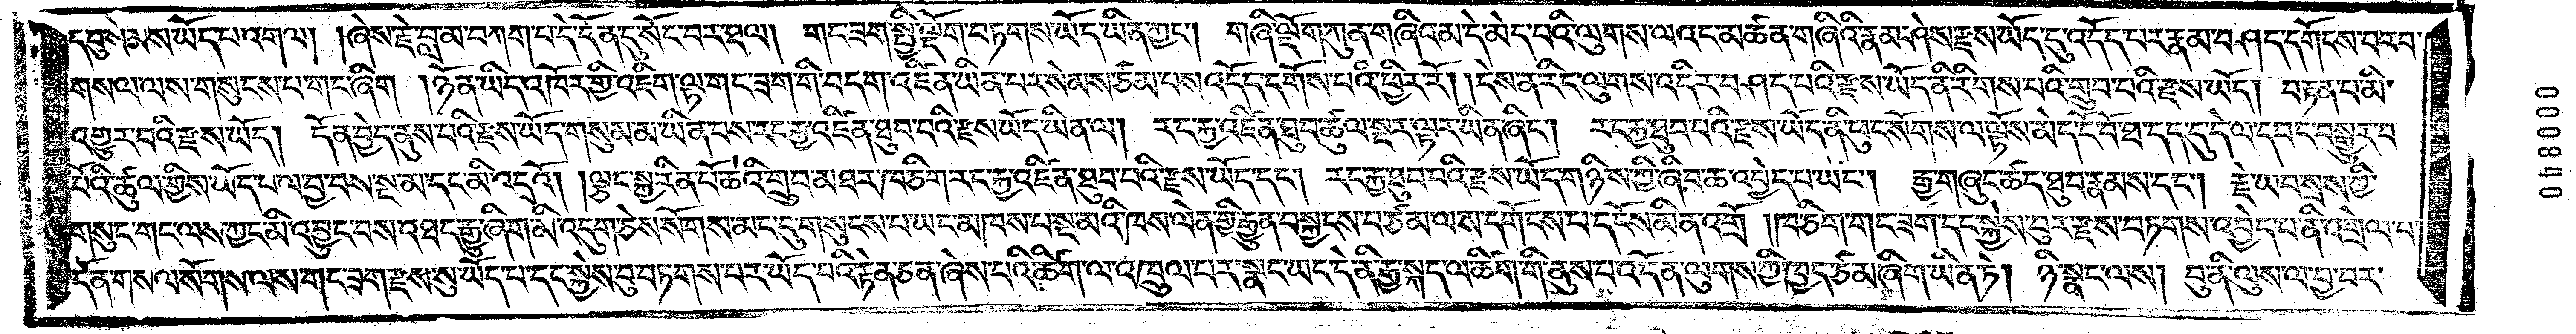དབུ་སེམས་ཡོད་པ་འགལ། །ཞེས་རྗེ་བླ་མ་བཀག་པ་དེ་དོན་དུ་སོང་བར་ཐལ། གང་ཟག་སྤྱི་ལྡོག་བཏགས་ཡོད་ཡིན་ཀྱང་། གཞི་ལྡོག་ཀུན་གཞིའམ་དེ་མེད་པའི་ལུགས་ལའང་མཚན་གཞིའི་རྣམ་ཤེས་རྫས་ཡོད་དུ་འདོད་པར་རྣམ་བཤད་དགོངས་པ་རབ་
གསལ་ལས་གསུངས་པ་གང་ཞིག །ཉོན་ཡིད་འཁོར་གྱི་འཇིག་ལྟ་གང་ཟག་གི་བདག་འཛིན་ཡིན་པར་སེམས་ཙམ་པས་འདོད་དགོས་པའི་ཕྱིར་རོ། །དེས་ན་རིང་ལུགས་འདིར་བཤད་པའི་རྫས་ཡོད་ནི་རིགས་པའི་གྲུབ་པའི་རྫས་ཡོད། བརྟན་པ་མི་
འགྱུར་བའི་རྫས་ཡོད། དོན་བྱེད་ནུས་པའི་རྫས་ཡོད་གསུམ་མ་ཡིན་པས་རང་རྐྱ་འཛིན་ཐུབ་པའི་རྫས་ཡོད་ཡིན་ལ། རང་རྐྱ་འཛིན་ཐུབ་ཚུལ་སྔར་ལྟར་ཡིན་ཞིང་། རང་རྐྱ་ཐུབ་པའི་རྫས་ཡོད་ནི་ཕུང་སོགས་ལ་ལྟོས་མེད་ངོ་བོ་ཐ་དད་དུ་དེ་ལ་དབང་བསྒྱུར་བ་
པོའི་ཚུལ་གྱིས་ཡོད་པ་ལ་བྱ་བས་སྔ་མ་དང་མི་འདྲའོ། །ལྕང་སྐྱ་རིན་པོ་ཆེའི་གྲུབ་མཐར་ཁ་ཅིག་རང་རྐྱ་འཛིན་ཐུབ་པའི་རྫས་ཡོད་དང་། རང་རྐྱ་ཐུབ་པའི་རྫས་ཡོད་གཉིས་ཀྱི་ཞིབ་ཆ་འབྱེད་པ་ཡང་། རྒྱ་གཞུང་ཚད་ཐུབ་རྣམས་དང་། རྗེ་ཡབ་སྲས་ཀྱི་
གསུང་གང་ལས་ཀྱང་མི་འབྱུང་བས་འཐད་རྒྱུ་ཞིག་མི་འདུག་ཅེས་སོགས་མང་དུ་གསུངས་པ་ཡང་མཁས་པ་སྔ་མའི་ཁས་ལེན་གྱི་རྒྱུན་བསྐྱངས་བ་ཙམ་ལས་དགོངས་པ་དངོས་མིན་འགྲོ་།ཁ་ཅིག་གང་ཟག་དང་སྐྱེས་བུར་རྫས་བཏགས་འབྱེད་པ་ནི་འགྲེལ་པ་
དོན་གསལ་སོགས་ལས་གང་ཟག་རྫས་སུ་ཡོད་པ་དང་སྐྱེས་བུ་བཏགས་པར་ཡོད་པའི་རྟེན་ཅན་ཞེས་པའི་ཚིག་ལ་འཁྲུལ་བར་སྣང་ཡང་དེ་ནི་རྒྱ་སྐད་ལ་ཚིག་གི་ནུས་པ་འདོན་ལུགས་ཀྱི་ཁྱད་ཙམ་ཞིག་ཡིན་ཏེ། ཉི་སྣང་ལས། བུ་ནི་ལུས་ལ་བྱ་བར་